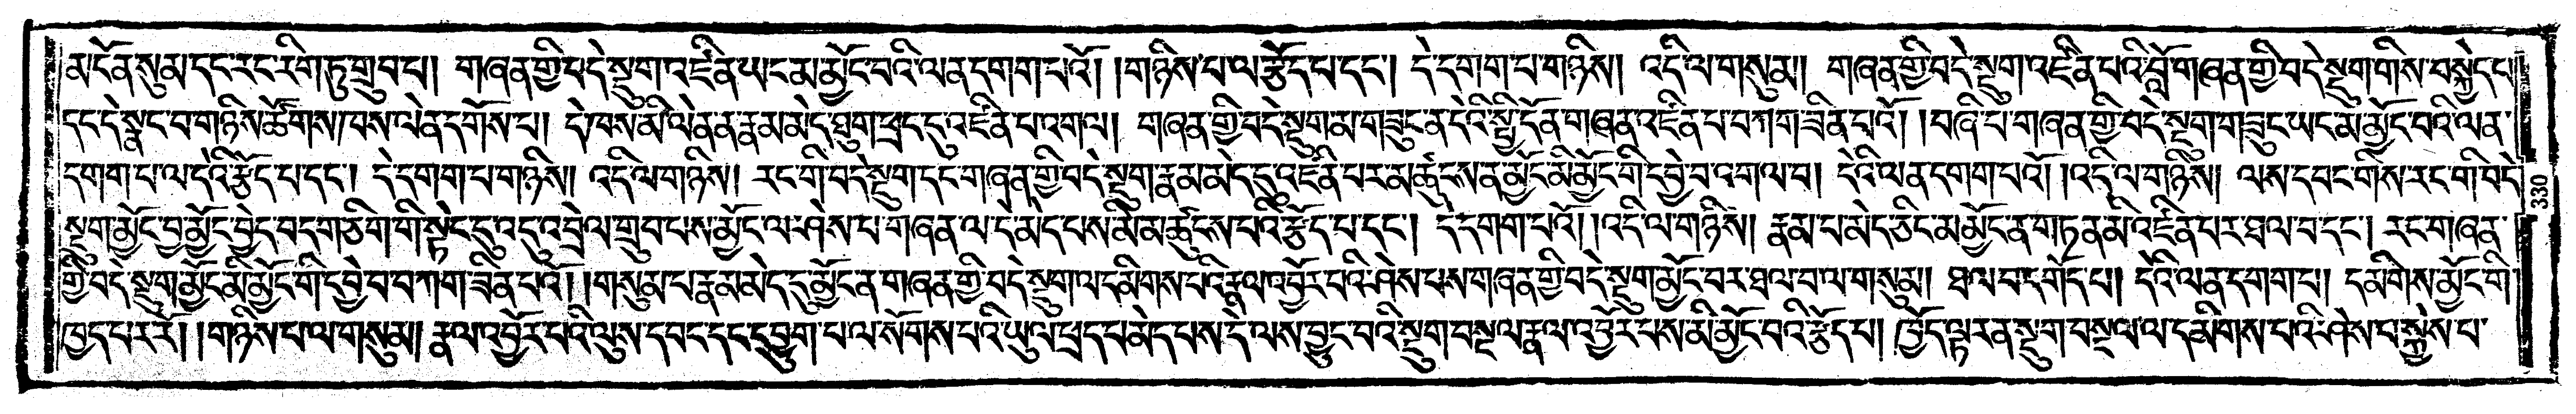མངོན་སུམ་དང་རང་རིག་ཏུ་གྲུབ་པ། གཞན་གྱི་བདེ་སྡུག་འཛིན་ཡང་མ་མྱོང་བའི་ལན་དགག་པའོ། །གཉིས་པ་ལ་རྩོད་པ་དང་། དེ་དགག་པ་གཉིས། འདི་ལ་གསུམ། གཞན་གྱི་བདེ་སྡུག་འཛིན་པའི་བློ་གཞན་གྱི་བདེ་སྡུག་གིས་བསྐྱེད་པ་
དང་དེ་སྣང་བ་གཉིས་ཚོགས་ཁས་ལེན་དགོས་པ། དེ་ཁས་མི་ལེན་ན་རྣམ་མེད་ཐུག་ཕྲད་དུ་འཛིན་པ་འགལ། གཞན་གྱི་བདེ་སྡུག་མ་གཟུང་ན་དེའི་སྤྱི་དོན་གཞན་འཛིན་པ་བཀག་ཟིན་པའོ། །བཞི་པ་གཞན་གྱི་བདེ་སྡུག་གཟུང་ཡང་མ་མྱོང་བའི་ལན་
དགག་པ་ལ་དེའི་རྩོད་པ་དང་། དེ་དགག་པ་གཉིས། འདི་ལ་གཉིས། རང་གི་བདེ་སྡུག་དང་གཞན་གྱི་བདེ་སྡུག་རྣམ་མེད་དུ་འཛིན་པར་མཚུངས་ན་མྱོང་མི་མྱོང་གི་དབྱེ་བ་འགལ་བ། དེའི་ལན་དགག་པའོ། །འདི་ལ་གཉིས། ལས་དབང་གིས་རང་གི་བདེ་
སྡུག་མྱོང་བྱ་མྱོང་བྱེད་བདག་ཅིག་གི་སྟེང་དུ་འདུ་འབྲེལ་གྲུབ་པས་མྱོང་ལ་ཤེས་པ་གཞན་ལ་དེ་མེད་པས་མི་མཚུངས་པའི་རྩོད་པ་དང་། དེ་དགག་པའོ། །འདི་ལ་གཉིས། རྣམ་པ་མེད་ཅིང་མ་མྱོང་ན་གཏན་མི་འཛིན་པར་ཐལ་བ་དང་། རང་གཞན་
གྱི་བདེ་སྡུག་མྱོང་མི་མྱོང་གི་དབྱེ་བ་བཀག་ཟིན་པའོ། །གསུམ་པ་རྣམ་མེད་དུ་མྱོང་ན་གཞན་གྱི་བདེ་སྡུག་ལ་དམིགས་པའི་རྣལ་འབྱོར་པའི་ཤེས་པས་གཞན་གྱི་བདེ་སྡུག་མྱོང་བར་ཐལ་བ་ལ་གསུམ། ཐལ་བ་དགོད་པ། དེའི་ལན་དགག་པ། དམིགས་མྱོང་གི་
ཁྱད་པར་རོ། །གཉིས་པ་ལ་གསུམ། རྣལ་འབྱོར་པའི་ལུས་དབང་དང་དབྱུག་པ་ལ་སོགས་པའི་ཡུལ་ཕྲད་པ་མེད་པས་དེ་ལས་བྱུང་བའི་སྡུག་བསྔལ་རྣལ་འབྱོར་པས་མི་མྱོང་བའི་རྩོད་པ། ཁྱོད་ལྟར་ན་སྡུག་བསྔལ་ལ་དམིགས་པའི་ཤེས་པ་སྐྱེས་པ་